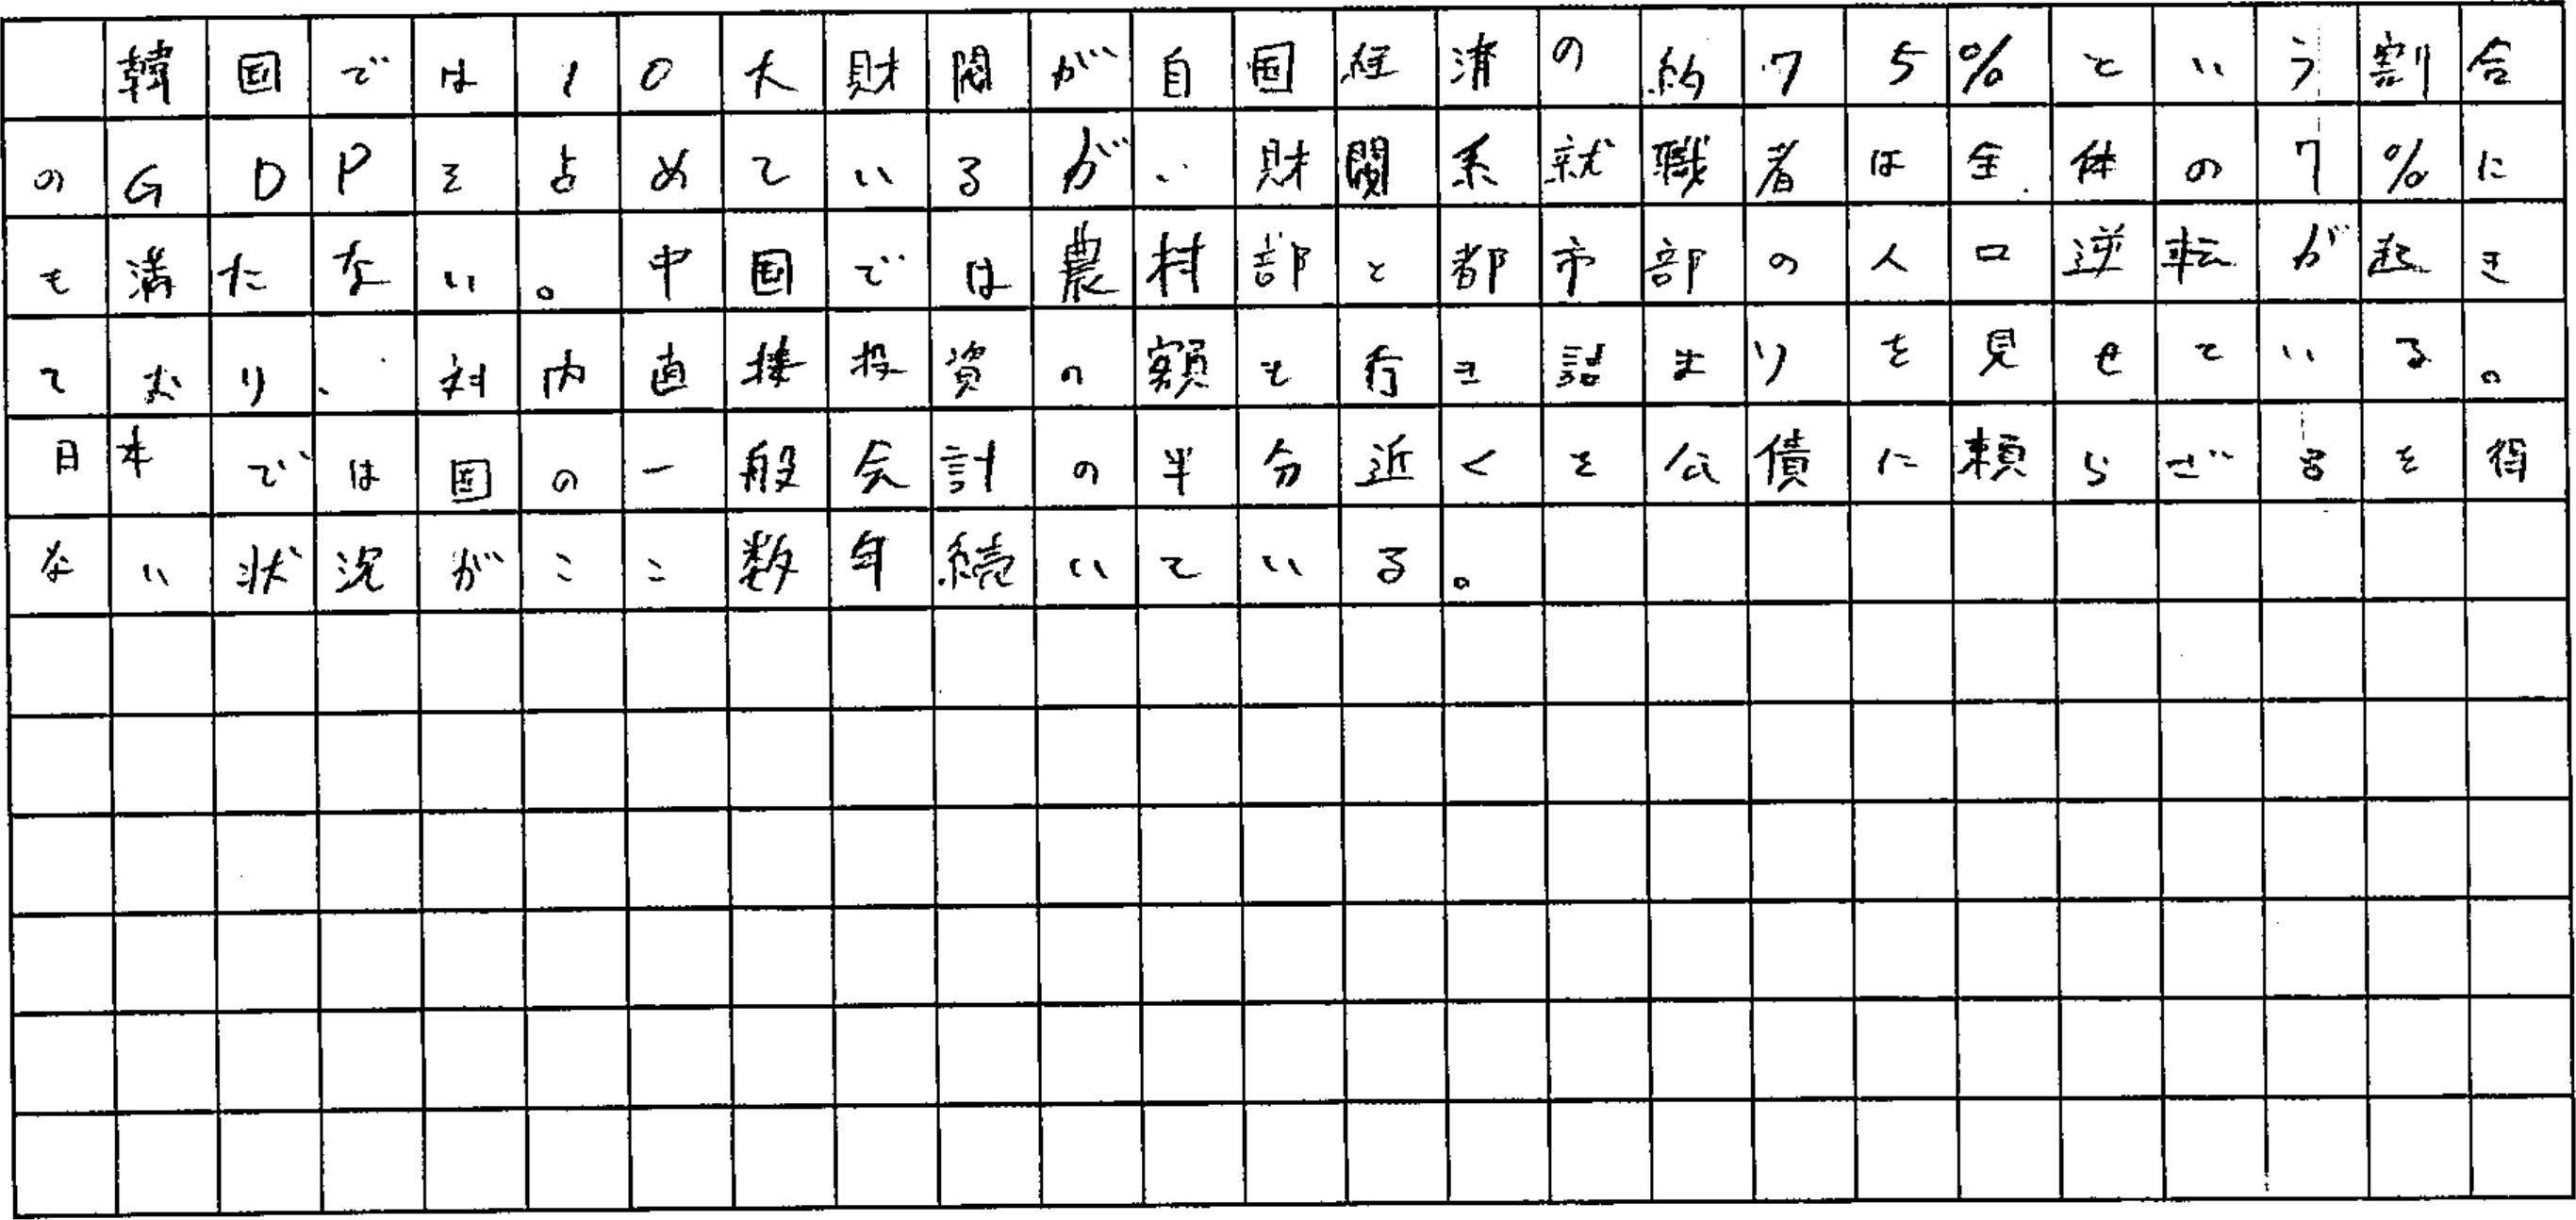　韓国では１０大財閥が自国経済の約７５％という割合のＧＤＰを占めているが、財閥系就職者は全体の７％にも満たない。中国では農村部と都市部の人口逆転が起きており、対内直接投資の額も行き詰まりを見せている。日本では国の一般会計の半分近くを公債に頼らざるを得ない状況がここ数年続いている。
